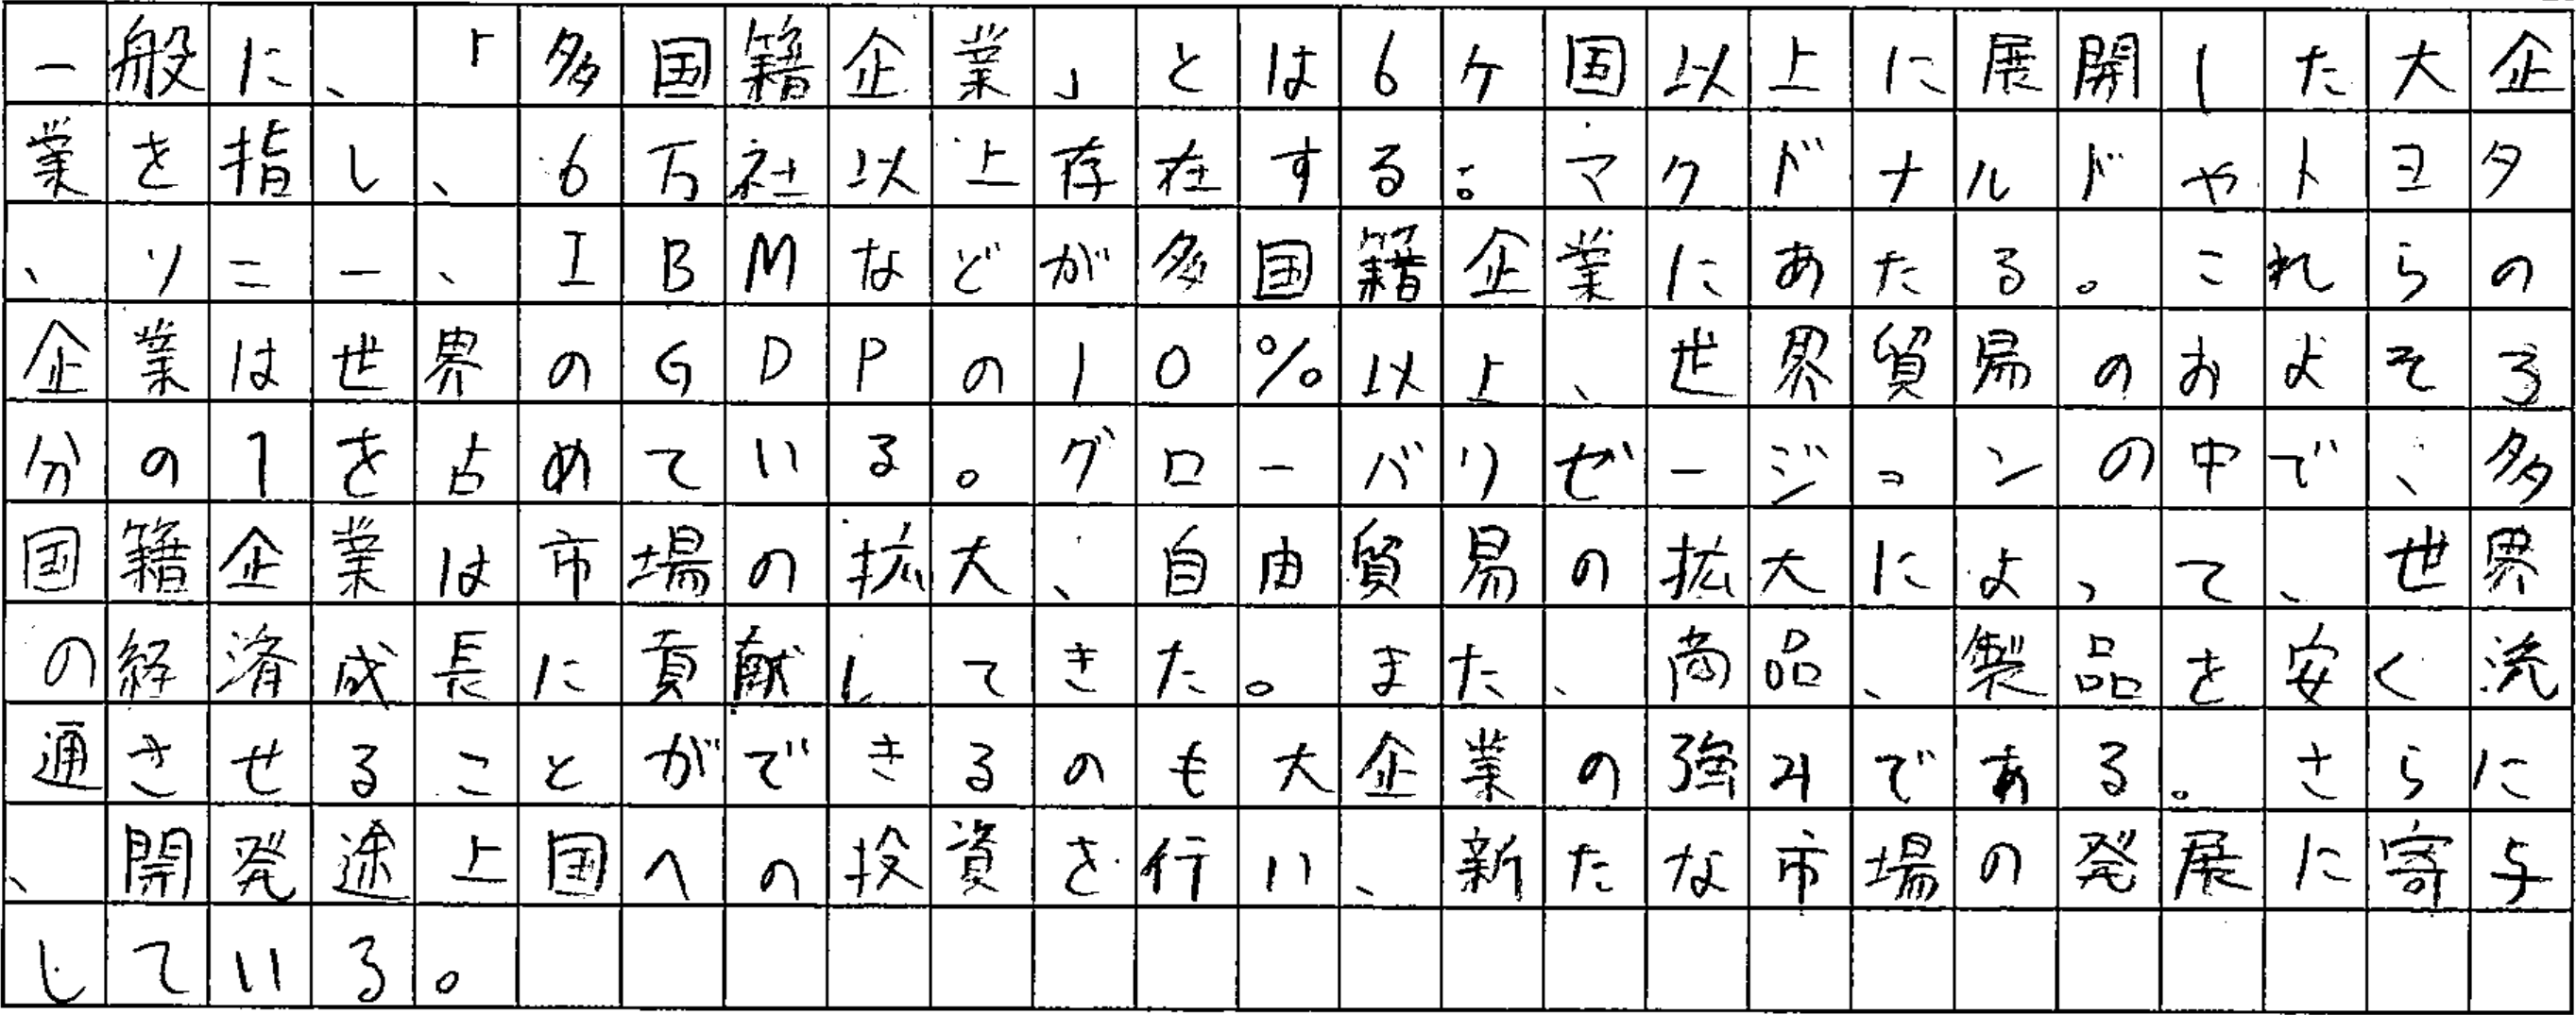一般に、「多国籍企業」とは６ヶ国以上に展開した大企業を指し、６万社以上存在する。マクドナルドやトヨタ、ソニー、ＩＢＭなどが多国籍企業にあたる。これらの企業は世界のＧＤＰの１０％以上、世界貿易のおよそ３分の１を占めている。グローバリゼーションの中で、多国籍企業は市場の拡大、自由貿易の拡大によって、世界の経済成長に貢献してきた。また、商品、製品を安く流通させることができるのも大企業の強みである。さらに、開発途上国への投資を行い、新たな市場の発展に寄与している。
